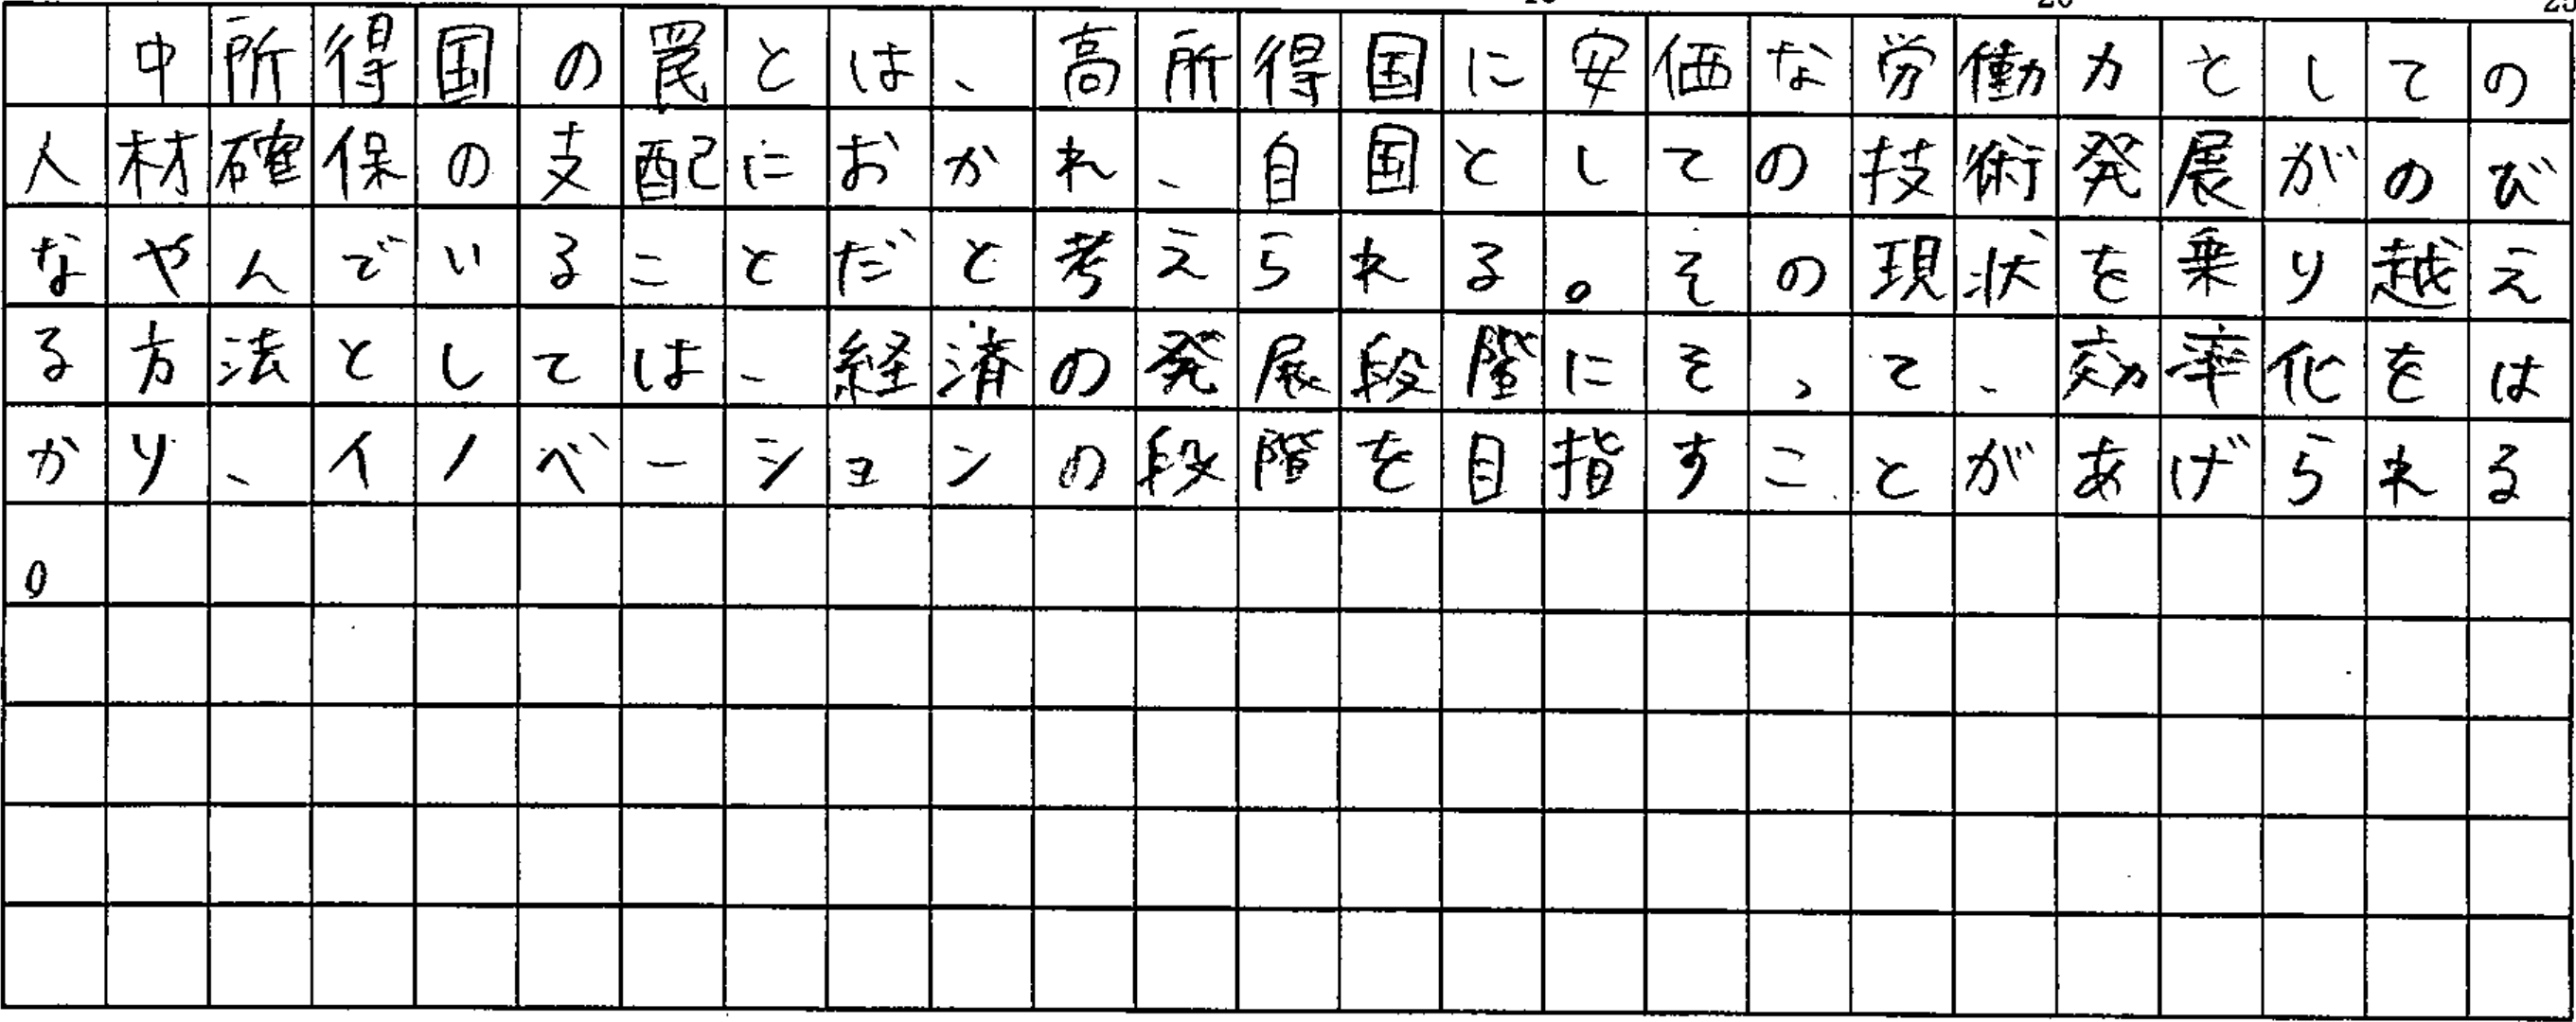　中所得国の罠とは、高所得国に安価な労働力としての人材確保の支配におかれ、自国としての技術発展がのびなやんでいることだと考えられる。その現状を乗り越える方法としては、経済の発展段▁にそって、効率化をはかり、イノベーションの段階を目指すことがあげられる。
